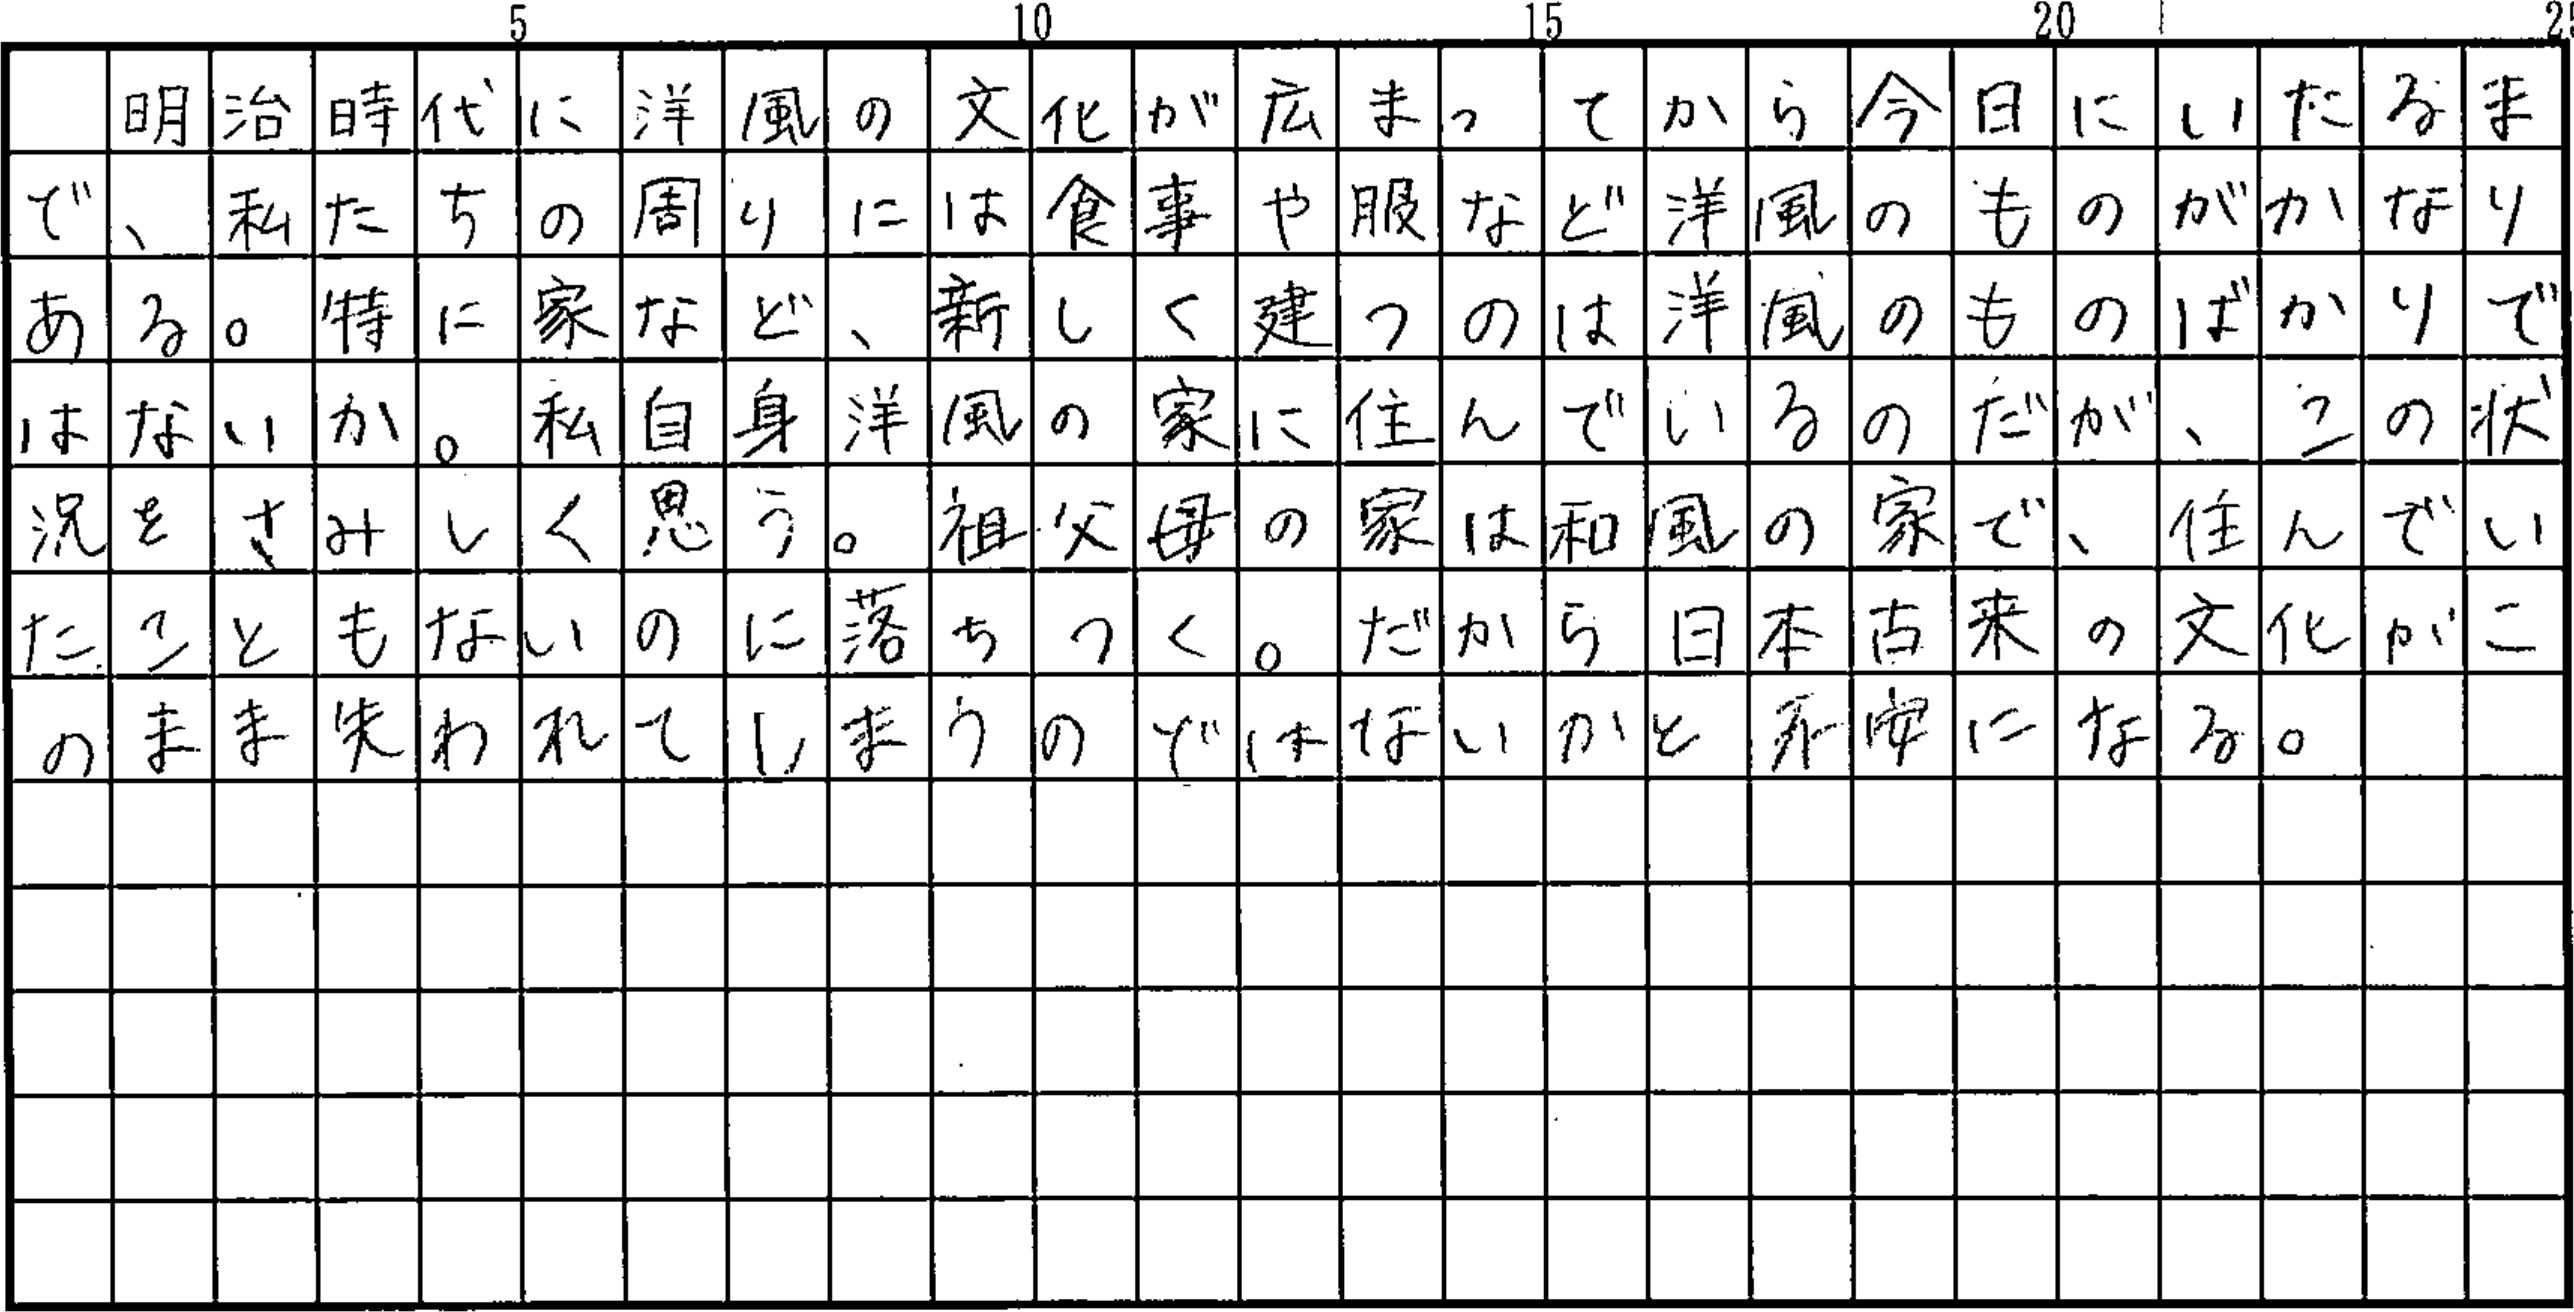　明治時代に洋風の文化が広まってから今日にいたるまで、私たちの周りには食事や服など洋風のものがかなりある。特に家など、新しく建つのは洋風のものばかりではないか。私自身洋風の家に住んでいるのだが、この状況をさみしく思う。祖父母の家は和風の家で、住んでいたこともないのに落ちつく。だから日本古来の文化がこのまま失われてしまうのではないかと不安になる。
